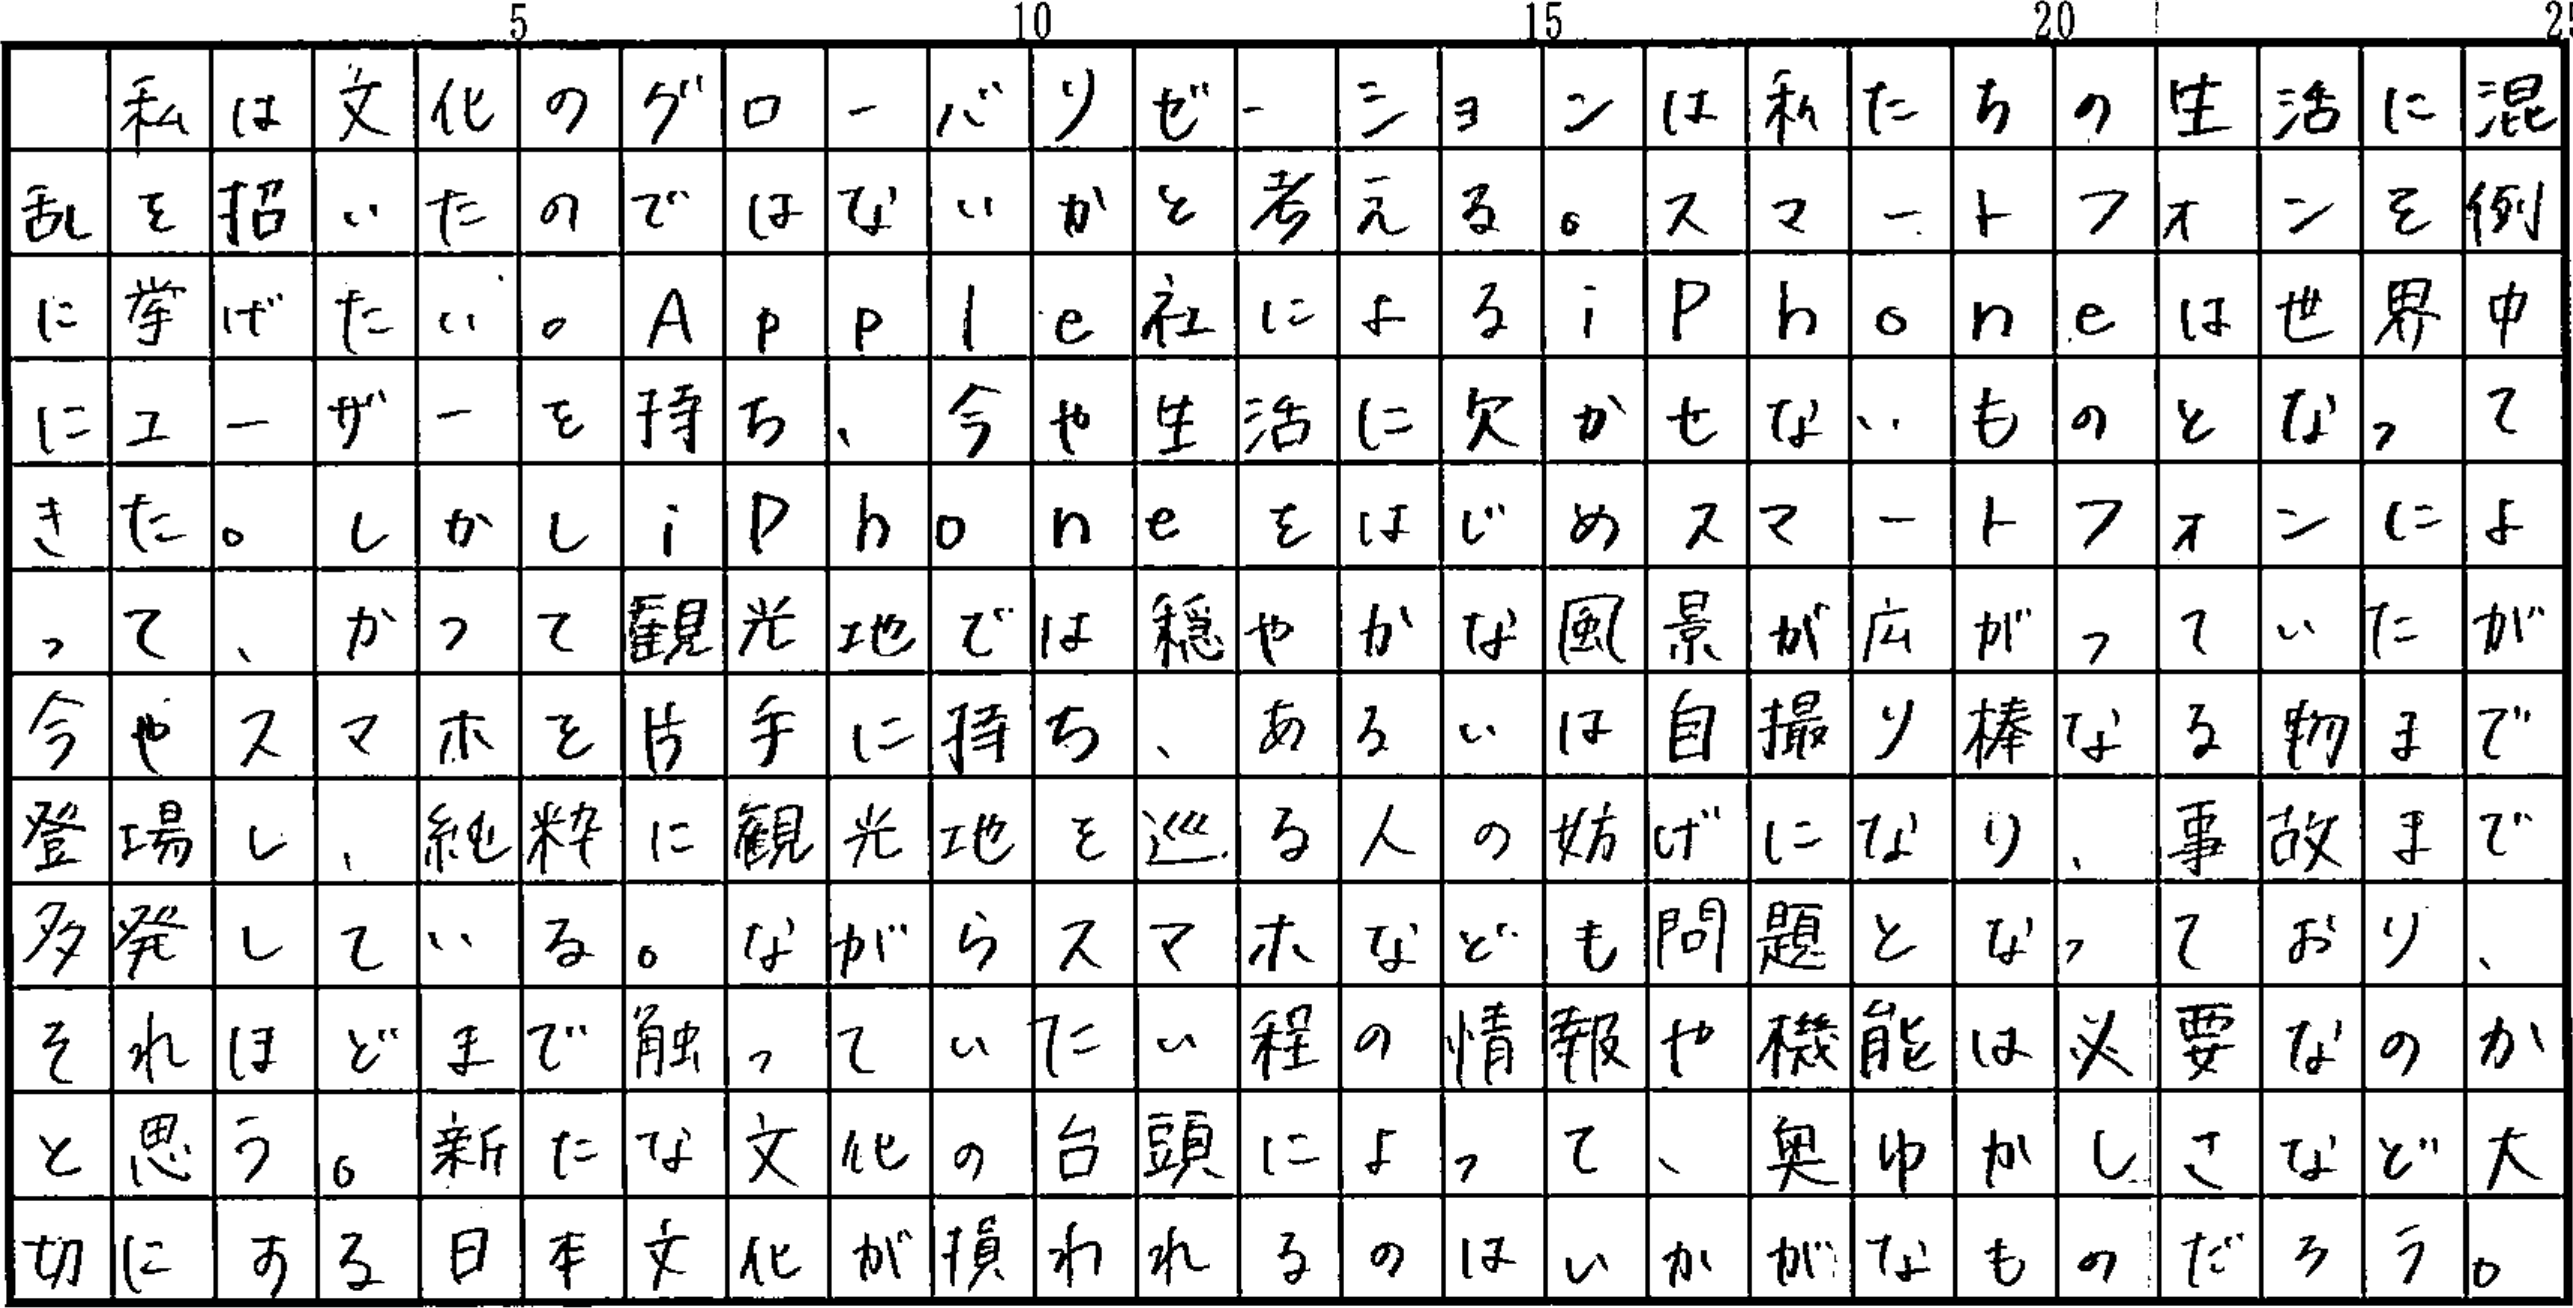　私は文化のグローバリゼーションは私たちの生活に混乱を招いたのではないかと考える。スマートフォンを例に挙げたい。Ａｐｐｌｅ社によるｉＰｈｏｎｅは世界中にユーザーを持ち、今や生活に欠かせないものとなってきた。しかしｉＰｈｏｎｅをはじめスマートフォンによって、かつて観光地では穏やかな風景が広がっていたが今やスマホを片手に持ち、あるいは自撮り棒なる物まで登場し、純粋に観光地を巡る人の妨げになり、事故まで多発している。ながらスマホなども問題となっており、それほどまで触っていたい程の情報や機能は必要なのかと思う。新たな文化の台頭によって、奥ゆかしさなど大切にする日本文化が損なわれるのはいかがなものだろう。
